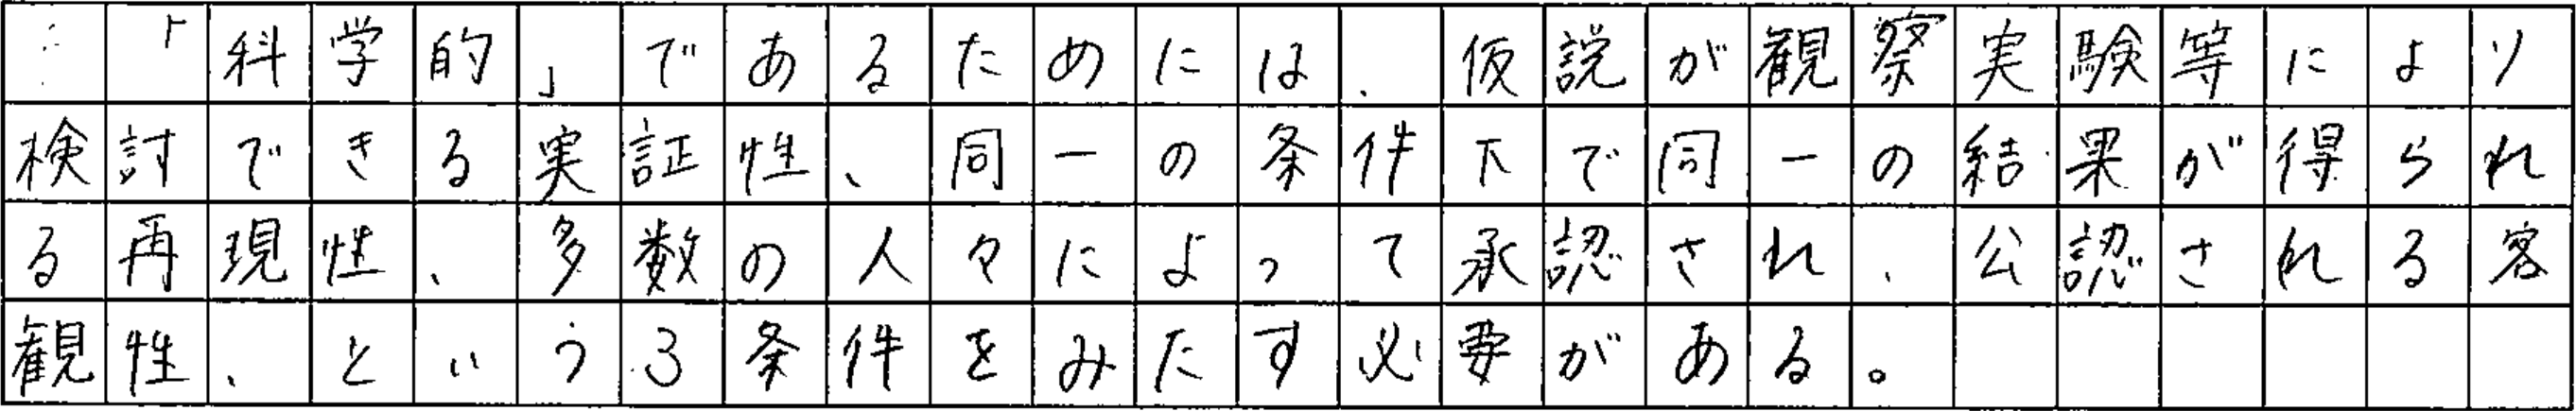　「科学的」であるためには、仮説が観察実験等により検討できる実証性、同一の条件下で同一の結果が得られる再現性、多数の人々によって承認され、公認される客観性、という３条件をみたす必要がある。
